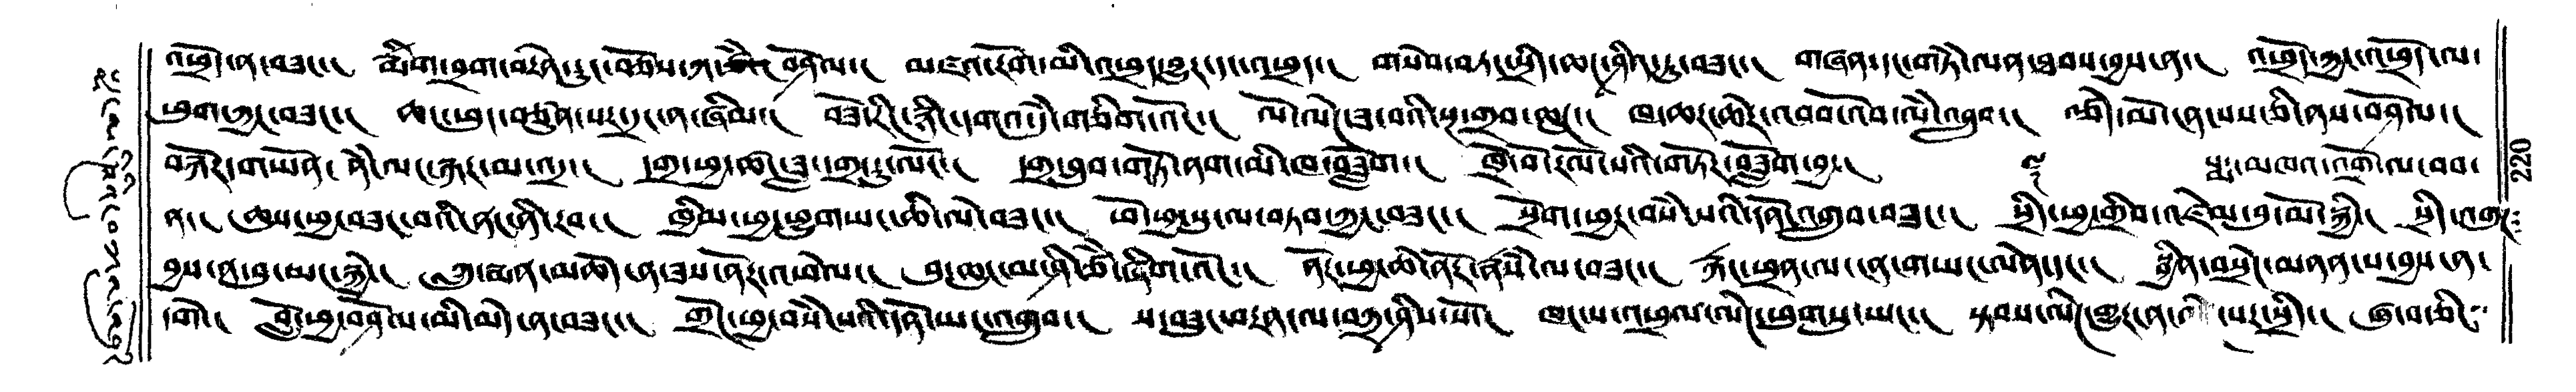འཕྲོད་ན་བཟང་། །རྨིག་དབྲག་བསྟེན་རུང་བཅོས་ཀ་བཤོལ། །མཛའ་རོགས་མི་འཕྲད་བྱུར་དང་འཕྲད། །གསེབ་བཏང་སྲིད་ཆང་ཤིན་ཏུ་བཟང་། །གཞན་དང་གཏམ་ལན་ཐབས་བྱས་ན། །འཕྲོད་ཀྱང་འཕྲོད་ལ་
ཕུགས་ཡང་བཟང་། ཆང་ཕུད་བཙུན་པར་དྲང་ན་ཞིམ། །ཟ་རིང་སྙིང་དགའ་དུམ་གཅིག་འོང་། ལོ་ལེགས་ཟ་བའི་སྔ་གྲབ་ཆུང་། ཁ་ཆར་ཆེར་འབབ་འོབ་ལམ་འབྲུག །རྩེད་མོ་ངན་པས་ཅི་ནས་བཤོལ། །
བསྐོར་གཡོན་ནམ་ལངས་སྐར་མ་འདྲ། །དགྲ་ཕྱྭ་ཚང་ཟླ་དགྲ་རུ་ལོངས། །དགྲ་ཤུབས་གཏེ་ནག་མི་ཁ་བཟློག ཁྲོ་བོ་རོལ་པའི་གཏོར་བཟློག་བྱ། ༈ པདྨ་མཁའ་འགྲོ་ལ་བབ་
ན། །ཆུས་ཕྱྭ་བཟང་བའི་ནང་ནི་རབ། །ཁྱིམ་ཕྱྭ་ཕྱུག་ཀྱང་ཆི་ལེ་བཟང་། །ཕོ་ཕྱྭ་སུ་ལ་བཏབ་ཀྱང་བཟང་། །སྲོག་ཕྱྭར་བསམ་པའི་དོན་འགྲུབ་བཟང་། །སྲིད་ཕྱྭ་གྲིབ་འཛོམས་བུ་མོ་སྐྱེ། །སྲིད་འགུགས་
བྱས་ན་བུ་ཡང་སྐྱེ། །ཀླུ་སྨན་མཆོད་ན་ཟས་ནོར་འཕེལ། །བུ་ཆུང་མ་ཤི་ཙམ་ཞིག་འོང་། །ནོར་ཕྱྭ་ཆེ་ནོར་རྣམས་ལ་བཟང་། །རྐང་ཕྲན་ལ་ངན་གཡང་ལེན་དང་། །སྦྱིན་སྲེག་མནན་པ་བྱས་ན་
དགེ །བློ་ཕྱྭ་བཤོལ་མི་མེད་ན་བཟང་། །གྲོགས་ཕྱྭ་བསམ་པའི་དོན་ཡང་འགྲུབ། །ས་བཟུང་བརྟན་ལ་བཀྲ་ཤིས་སོ། །ཁང་པ་འཕྲལ་ལེགས་ཕུགས་སུ་ཡང་། །སྟབས་ལེགས་གྱུར་ན་ལེགས་པར་སྲིད། །ཞུ་བ་ཅི་